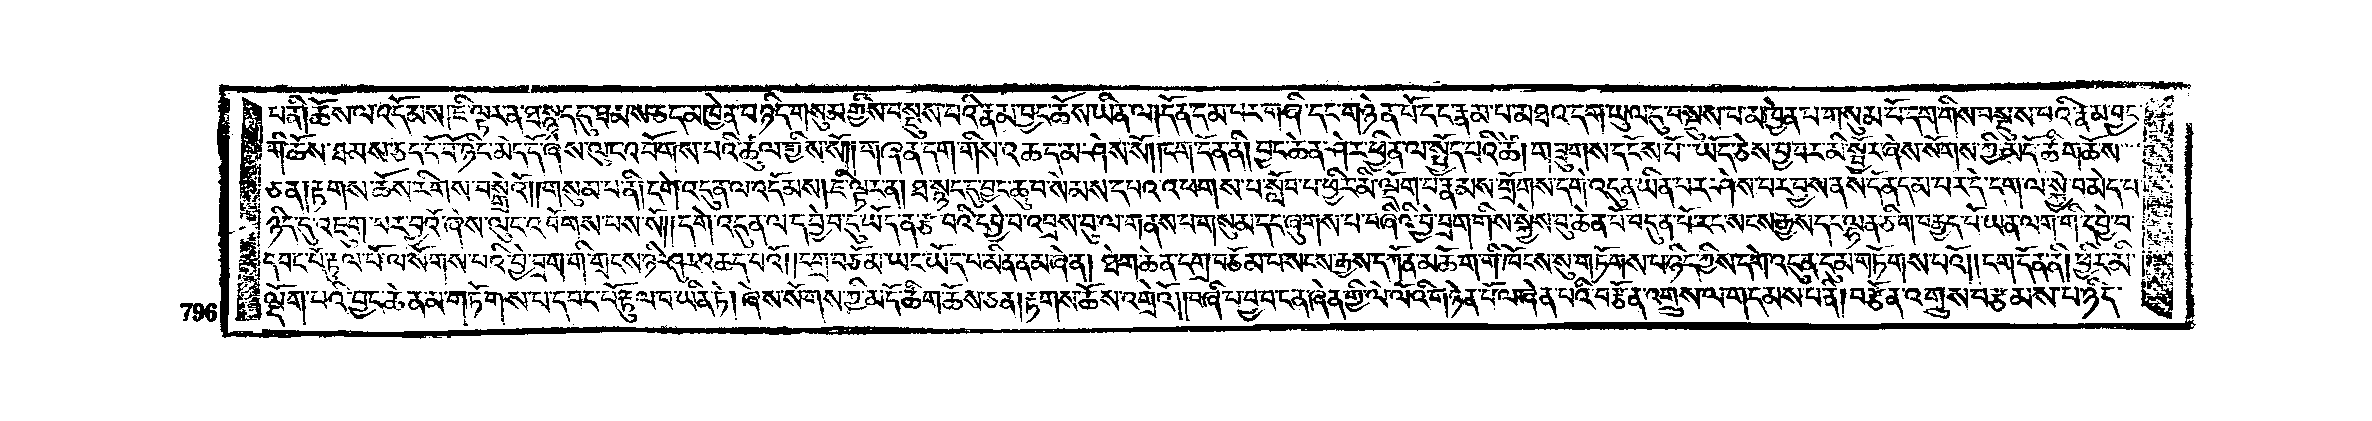པ་ནི། ཆོས་ལ་འདོམས། ཇི་ལྟར་ན་ཐ་སྙད་དུ་ཐམས་ཅད་མཁྱེན་པ་ཉིད་གསུམ་གྱིས་བསྡུས་པའི་རྣམ་བྱང་ཆོས་ཡིན་ལ། དོན་དམ་པར་གཞི་དང་གཉེན་པོ་དང་རྣམ་པ་མཐའ་དག་ཡུལ་དུ་བསྡུས་པ་མཁྱེན་པ་གསུམ་པོ་དག་གིས་བསྡུས་པའི་རྣམ་བྱང་
གི་ཆོས་ཐམས་ཅད་ངོ་བོ་ཉིད་མེད་དོ་ཞེས་ལུང་འབོགས་པའི་ཚུལ་གྱིས་སོ། །གཞན་དག་གིས་འཆད་མ་ཤེས་སོ། །ངག་དོན་ནི། བྱང་ཆེན་ཤེར་ཕྱིན་ལ་སྤྱོད་པའི་ཚེ། གཟུགས་དངོས་པོ་ཡོད་ཅེས་བྱ་བར་མི་སྦྱོར་ཞེས་སོགས་ཀྱི་མདོ་ཚིག་ཆོས་
ཅན༑ རྟགས་ཆོས་རིགས་བསྒྲེའོ། །གསུམ་པ་ནི། དགེ་འདུན་ལ་འདོམས། ཇི་ལྟར་ན། ཐ་སྙད་དུ་བྱང་ཆུབ་སེམས་དཔའ་འཕགས་པ་སློབ་པ་ཕྱིར་མི་ལྡོག་པ་རྣམས་གྲོགས་དགེ་འདུན་ཡིན་པར་ཤེས་པར་བྱས་ནས་དོན་དམ་པར་དེ་དག་ལ་སྐྱེ་བ་མེད་པ་
ཉིད་དུ་འཇུག་པ་ར་བྱའོ་ཞེས་ལུང་འབོགས་པས་སོ། །དགེ་འདུན་ལ་དབྱེ་བ་དུ་ཡོད་ན་རྩ་བའི་དབྱེ་བ་འབྲས་བུ་ལ་གནས་པ་གསུམ་དང་ཞུགས་པ་བཞིའི་བྱེ་བྲག་གིས་སྐྱེས་བུ་ཆེན་པོ་བདུན་པོ་རང་སངས་རྒྱས་དང་ལྷན་ཅིག་བརྒྱད་པོ་ཡན་ལག་གི་དབྱེ་བ་
དབང་པོ་རྟུལ་པོ་ལ་སོགས་པའི་བྱེ་བྲག་གི་གྲངས་ཉི་ཤུར་འཆད་པའོ། །དགྲ་བཅོམ་ཡང་ཡོད་པ་མིན་ནམ་ཞེ་ན། ཐེག་ཆེན་དགྲ་བཅོམ་པ་སངས་རྒྱས་དཀོན་མཆོག་གི་ཁོངས་སུ་གཏོགས་པ་ཉིད་ཀྱིས་དགེ་འདུན་དུ་མ་གཏོགས་པའོ། །ངག་དོན་ནི། ཕྱིར་མི་
ལྡོག་པའི་བྱང་ཆེན་མ་གཏོགས་པ་དབང་པོ་རྟུལ་བ་ཡིན་ཏེ། ཞེས་སོགས་ཀྱི་མདོ་ཚིག་ཆོས་ཅན། རྟགས་ཆོས་འགྲེའོ། །བཞི་པ་བྱ་བ་ངན་ཞེན་གྱི་ལེ་ལོའི་གཉེན་པོ་ལ་ཞེན་པའི་བརྩོན་འགྲུས་ལ་གདམས་པ་ནི། བརྩོན་འགྲུས་བརྩམས་པ་ཉིད་